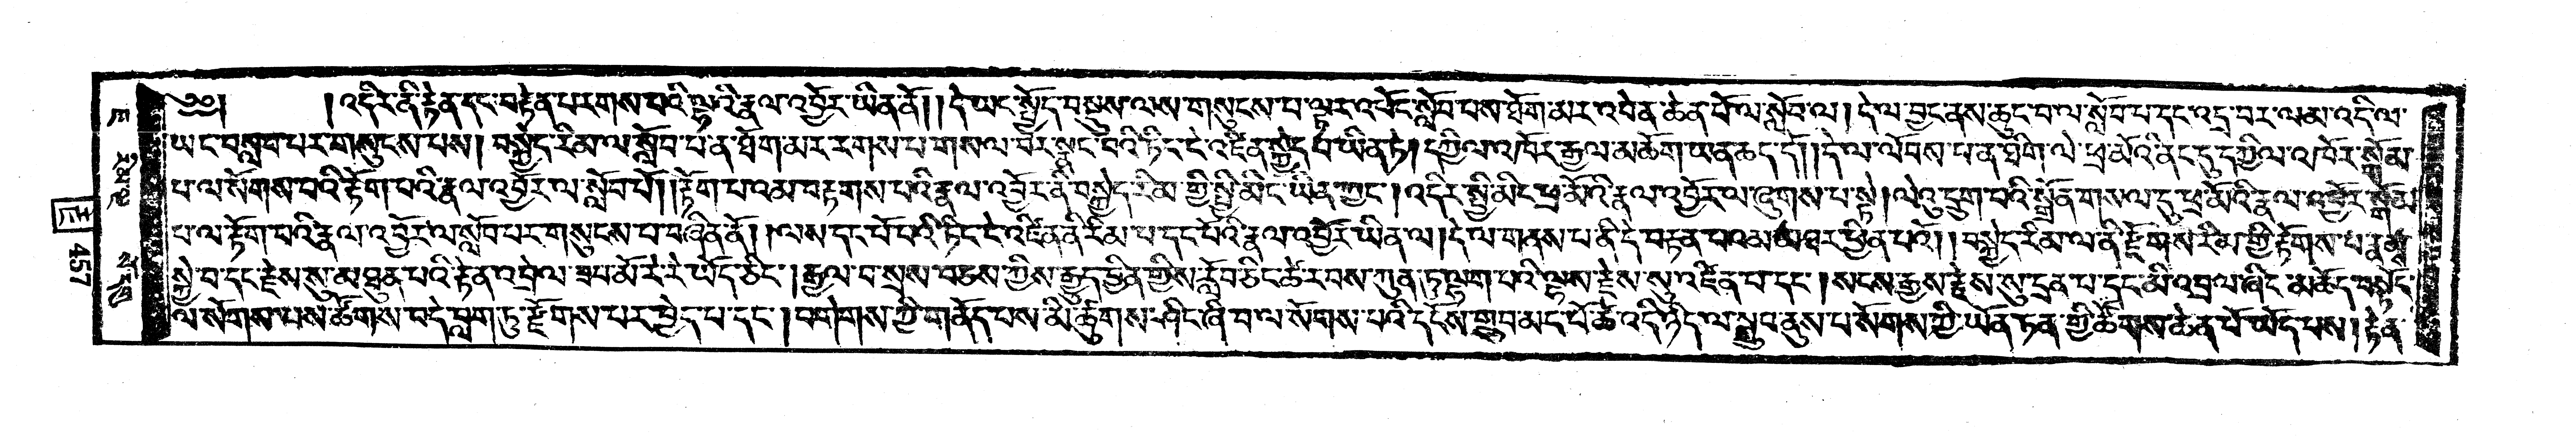༄༅། །འདིར་ནི་རྟེན་དང་བརྟེན་པ་རགས་པའི་ལྷའི་རྣལ་འབྱོར་ཡིན་ནོ། །དེ་ཡང་སྤྱོད་བསྡུས་ལས་གསུངས་པ་ལྟར་འཕོང་སློབ་པས་ཐོག་མར་འབེན་ཆེན་པོ་ལ་སློབ་ལ། དེ་ལ་བྱང་ནས་ཆུང་བ་ལ་སློབ་པ་དང་འདྲ་བར་ལམ་འདི་ལ་
ཡང་བསླབ་པར་གསུངས་པས། བསྐྱེད་རིམ་ལ་སློབ་པ་ན་ཐོག་མར་རགས་པ་གསལ་བར་སྣང་བའི་ཏིང་ངེ་འཛིན་སྐྱེད་པ་ཡིན་ཏེ། དཀྱིལ་འཁོར་རྒྱལ་མཆོག་ཡན་ཆད་དོ། །དེ་ལ་ལོབས་པ་ན་ཐིག་ལེ་ཕྲ་མོའི་ནང་དུ་དཀྱིལ་འཁོར་སྒོམ་
པ་ལ་སོགས་པའི་རྟོག་པའི་རྣལ་འབྱོར་ལ་སློབ་པོ། །རྟོག་པ་འམ་བརྟགས་པའི་རྣལ་འབྱོར་ནི་བསྐྱེད་རིམ་གྱི་སྤྱི་མིང་ཡིན་ཀྱང་། འདིར་སྤྱི་མིང་ཕྲ་མོའི་རྣལ་འབྱོར་ལ་ཞུགས་པ་སྟེ། ལེའུ་དྲུག་པའི་སྒྲོན་གསལ་དུ་ཕྲ་མོའི་རྣལ་འབྱོར་སྒོམ་
པ་ལ་རྟོག་པའི་རྣལ་འབྱོར་ལ་སློབ་པར་གསུངས་པ་བཞིན་ནོ། །ལས་དང་པོ་པའི་ཏིང་ངེ་འཛིན་ནི་རིམ་པ་དང་པོའི་རྣལ་འབྱོར་ཡིན་ལ། དེ་ལ་གནས་པ་ནི་དེ་བརྟན་པའམ་མཐར་ཕྱིན་པའོ། །བསྐྱེད་རིམ་ལ་ནི་རྫོགས་རིམ་གྱི་རྟོགས་པ་རྣམས་
སྐྱེ་བ་དང་རྗེས་སུ་མཐུན་པའི་རྟེན་འབྲེལ་ཟབ་མོ་རེ་རེ་ཡོད་ཅིང་། རྒྱལ་བ་སྲས་བཅས་ཀྱིས་རྒྱུད་བྱིན་གྱིས་རློབ་ཅིང་ཚེ་རབས་ཀུན་ཏུ་ལྷག་པའི་ལྷས་རྗེས་སུ་འཛིན་པ་དང་། སངས་རྒྱས་རྗེས་སུ་དྲན་པ་དང་མི་འབྲལ་ཞིང་མཆོད་བསྟོད་
ལ་སོགས་པས་ཚོགས་བདེ་བླག་ཏུ་རྫོགས་པར་བྱེད་པ་དང་། བགེགས་ཀྱི་གནོད་པས་མི་ཚུགས་ཤིང་ཞི་བ་ལ་སོགས་པའི་དངོས་གྲུབ་མང་པོ་ཚེ་འདི་ཉིད་ལ་སྒྲུབ་ནུས་པ་སོགས་ཀྱི་ཡོན་ཏན་གྱི་ཚོགས་ཆེན་པོ་ཡོད་པས། རྟེན་